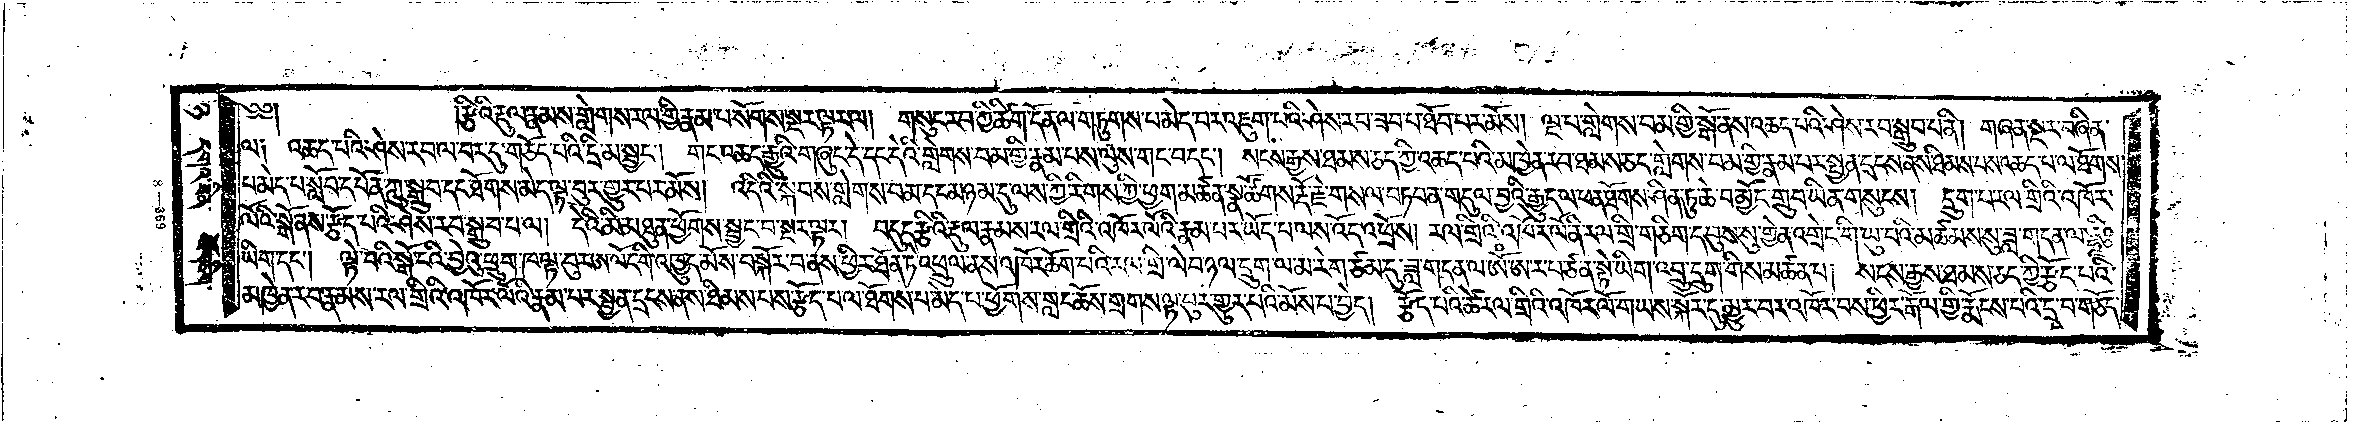༄༅། །རྩིའི་རྡུལ་རྣམས་གླེགས་རལ་གྱི་རྣམ་པ་སོགས་སྔར་ལྟར་ལ། གསུང་རབ་ཀྱི་ཚིག་དོན་ལ་གཏུགས་པ་མེད་པར་འཇུག་པའི་ཤེས་རབ་ཟབ་པ་ཐོབ་པར་མོས། ལྔ་པ་གླེགས་བམ་གྱི་སྒོ་ནས་འཆད་པའི་ཤེས་རབ་སྒྲུབ་པ་ནི། གཞན་སྔར་བཞིན་
ལ། འཆད་པའི་ཤེས་རབ་ལ་བར་དུ་གཅོད་པའི་དྲི་མ་སྦྱང་། གང་འཆད་རྒྱུའི་གཞུང་དེ་དང་དེའི་གླེགས་བམ་གྱི་རྣམ་པས་ལུས་གང་བ་དང་། སངས་རྒྱས་ཐམས་ཅད་ཀྱི་འཆད་པའི་མཁྱེན་རབ་ཐམས་ཅད་གླེགས་བམ་གྱི་རྣམ་པར་སྤྱན་དྲངས་ནས་ཐིམས་པས་འཆད་པ་ལ་ཐོགས་
པ་མེད་པ་སློབ་དཔོན་ཀླུ་སྒྲུབ་དང་ཐོགས་མེད་ལྟ་བུར་གྱུར་པར་མོས། འདིའི་སྐབས་གླེགས་བམ་དང་མཉམ་དུ་ལས་ཀྱི་རིགས་ཀྱི་ཕྱག་མཚན་སྣ་ཚོགས་རྡོ་རྗེ་གསལ་བཏབ་ན་གདུལ་བྱའི་རྒྱུད་ལ་ཕན་ཐོགས་ཤིན་ཏུ་ཆེ་བ་མྱོང་གྲུབ་ཡིན་གསུངས། དྲུག་པ་རལ་གྲིའི་འཁོར་
ལོའི་སྒོ་ནས་རྩོད་པའི་ཤེས་རབ་སྒྲུབ་པ་ལ། དེའི་མི་མཐུན་ཕྱོགས་སྦྱང་བ་སྔར་ལྟར། བདུད་རྩིའི་རྡུལ་རྣམས་རལ་གྲིའི་འཁོར་ལོའི་རྣམ་པར་ཡོད་པ་ལས་འོད་འཕྲོས། རལ་གྲིའི་འཁོར་ལོ་ནི་རལ་གྲི་གཅིག་དབུས་སུ་གྱེན་འགྲེང་གི་ཡུ་བའི་མཚམས་སུ་ཟླ་གདན་ལ་དྷཱིཿ
ཡིག་དང་། ལྟེ་བའི་སྒོ་ངའི་བྱེའུ་ཕྲུག་ཁ་ལྟ་བུར་ཨ་ལོང་གི་འཁྱུད་མོས་བསྐོར་བ་ནས་ཕྱིར་ཐོན་ཏེ་འཕྲུལ་ནས་འཁོར་ཆོག་པའི་རལ་གྲི་ལེབ་ཉལ་དྲུག་ལ་མ་རེག་ཙམ་དུ་ཟླ་གདན་ལ་ཨོཾ་ཨ་ར་པ་ཙ་ན་སྟེ་ཡི་གེ་འབྲུ་དྲུག་གིས་མཚན་པ། སངས་རྒྱས་ཐམས་ཅད་ཀྱི་རྩོད་པའི་
མཁྱེན་རབ་རྣམས་རལ་གྲིའི་འཁོར་ལོའི་རྣམ་པར་སྤྱན་དྲངས་ནས་ཐིམས་པས་རྩོད་པ་ལ་ཐོགས་པ་མེད་པ་ཕྱོགས་གླང་ཆོས་གྲགས་ལྟ་བུར་གྱུར་པའི་མོས་པ་བྱེད། རྩོད་པའི་ཚེ་རལ་གྲིའི་འཁོར་ལོ་གཡས་སྐོར་དུ་མྱུར་བར་འཁོར་བས་ཕྱིར་རྒོལ་གྱི་རྨོངས་པའི་དྲྭ་བ་གཅོད་